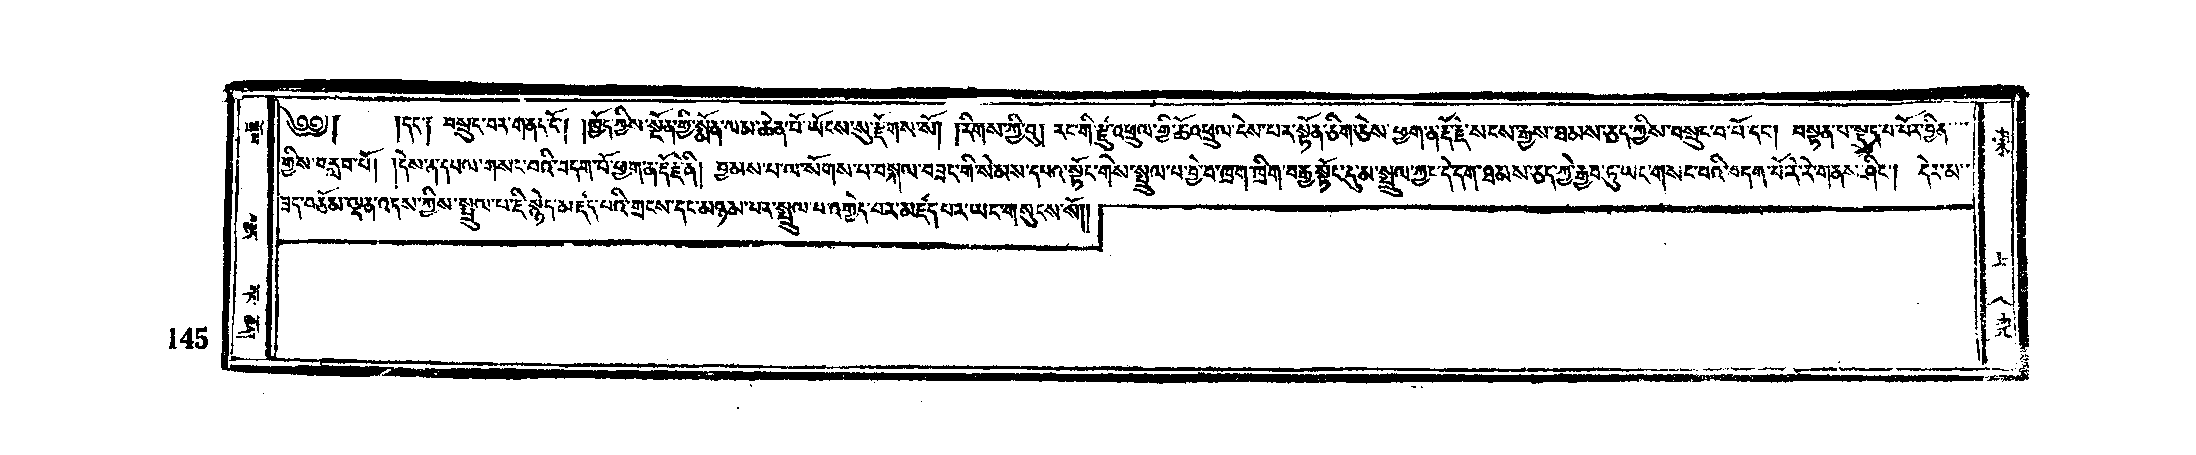༄༅། །དང་། བསྲུང་བར་གནང་ངོ། །ཁྱོད་ཀྱིས་སྔོན་གྱི་སྨོན་ལམ་ཆེན་པོ་ཡོངས་སུ་རྫོགས་སོ། །རིགས་ཀྱི་བུ། རང་གི་རྫུ་འཕྲུལ་གྱི་ཆོ་འཕྲུལ་ངེས་པར་སྟོན་ཅིག་ཅེས་ཕྱག་ན་རྡོ་རྗེ་སངས་རྒྱས་ཐམས་ཅད་ཀྱིས་བསྲུང་བ་པོ་དང་། བསྟན་པ་སྡུད་པ་པོར་བྱིན་
གྱིས་བརླབ་པོ། །དེས་ན་དཔལ་གསང་བའི་བདག་པོ་ཕྱག་ན་རྡོ་རྗེ་ནི། བྱམས་པ་ལ་སོགས་པ་བསྐལ་བཟང་གི་སེམས་དཔའ་སྟོང་གིས་སྤྲུལ་བ་བྱེ་བ་ཁྲག་ཁྲིག་བརྒྱ་སྟོང་དུ་མ་སྤྲུལ་ཀྱང་དེ་དག་ཐམས་ཅད་ཀྱེ་རྒྱབ་ཏུ་ཡང་གསང་བའི་བདག་པོ་རེ་རེ་གནས་ཤིང་། དེར་མ་
ཟད་བཅོམ་ལྡན་འདས་ཀྱིས་སྤྲུལ་པ་ཇི་སྙེད་མཛད་པའི་གྲངས་དང་མཉམ་པར་སྤྲུལ་པ་འགྱེད་པར་མཛད་པར་ཡང་གསུངས་སོ། །